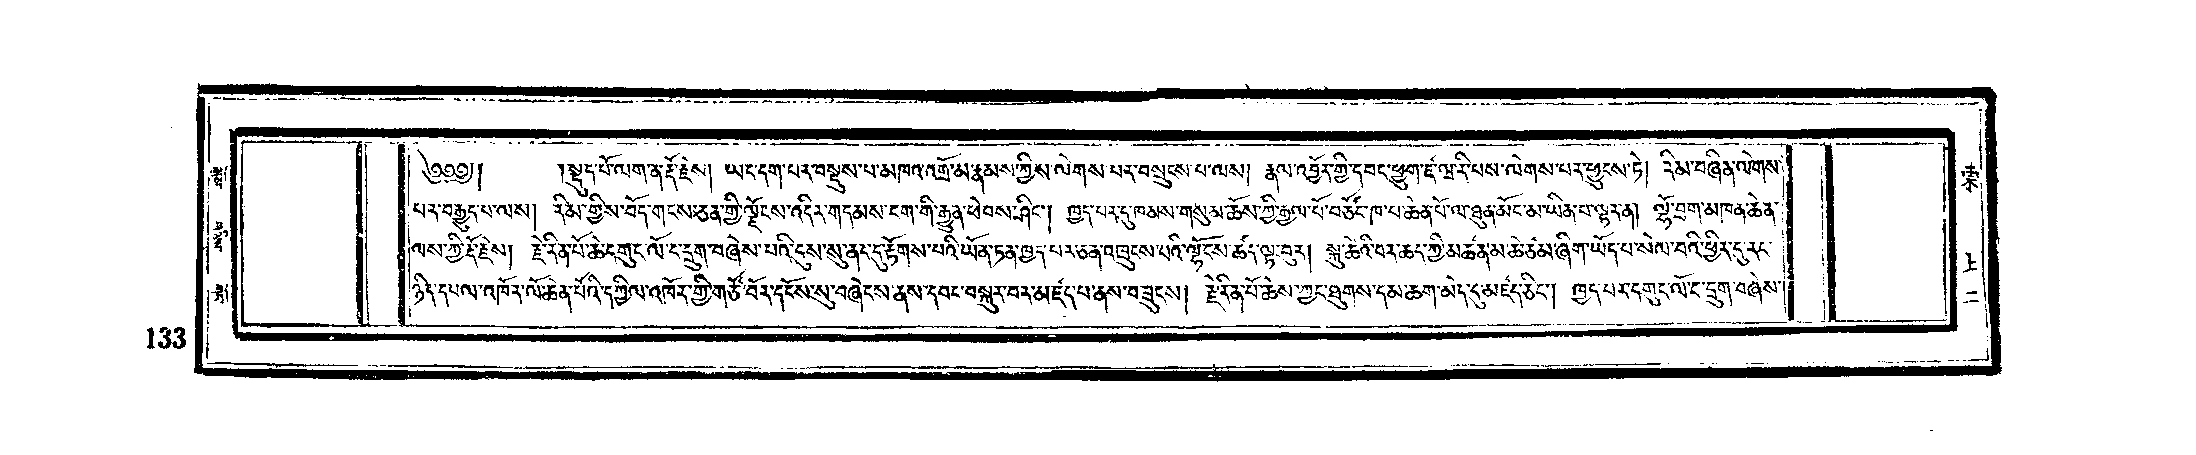༄༅༅། །སྡུད་པོ་ལག་ན་རྡོ་རྗེས། ཡང་དག་པར་བསྡུས་པ་མཁའ་འགྲོ་མ་རྣམས་ཀྱིས་ལེགས་པར་བསྲུངས་པ་ལས། རྣལ་འབྱོར་གྱི་དབང་ཕྱུག་ཛ་ཝ་རི་པས་ལེགས་པར་ཕྱུངས་ཏེ། རིམ་བཞིན་ལེགས་
པར་བརྒྱུད་པ་ལས། རིམ་གྱིས་བོད་གངས་ཅན་གྱི་ལྗོངས་འདིར་གདམས་ངག་གི་རྒྱུན་ཕེབས་ཤིང་། ཁྱད་པར་དུ་ཁམས་གསུམ་ཆོས་ཀྱི་རྒྱལ་པོ་བཙོང་ཁ་པ་ཆེན་པོ་ལ་ཐུན་མོང་མ་ཡིན་པ་ལྟར་ན། ལྷོ་བྲག་མཁན་ཆེན་
ལས་ཀྱི་རྡོ་རྗེས། རྗེ་རིན་པོ་ཆེ་དགུང་ལོ་ང་དྲུག་བཞེས་པའི་དུས་སུ་ནང་དུ་རྟོགས་པའི་ཡོན་ཏན་ཁྱད་པར་ཅན་འཁྲུངས་པའི་ལྷོངས་ཚད་ལྟ་བུར། སྐུ་ཚེའི་བར་ཆད་ཀྱི་མཚན་མ་ཆེ་ཙམ་ཞིག་ཡོད་པ་སེལ་བའི་ཕྱིར་དུ་རང་
ཉིད་དཔལ་འཁོར་ལོ་ཆེན་པོའི་དཀྱིལ་འཁོར་གྱི་གཙོ་བོར་དངོས་སུ་བཞེངས་ནས་དབང་བསྐུར་བར་མཛད་པ་ནས་བཟུངས། རྗེ་རིན་པོ་ཆེས་ཀྱང་ཐུགས་དམ་ཆག་མེད་དུ་མཛད་ཅིང་། ཁྱད་པར་དགུང་ལོ་ང་དྲུག་བཞེས་